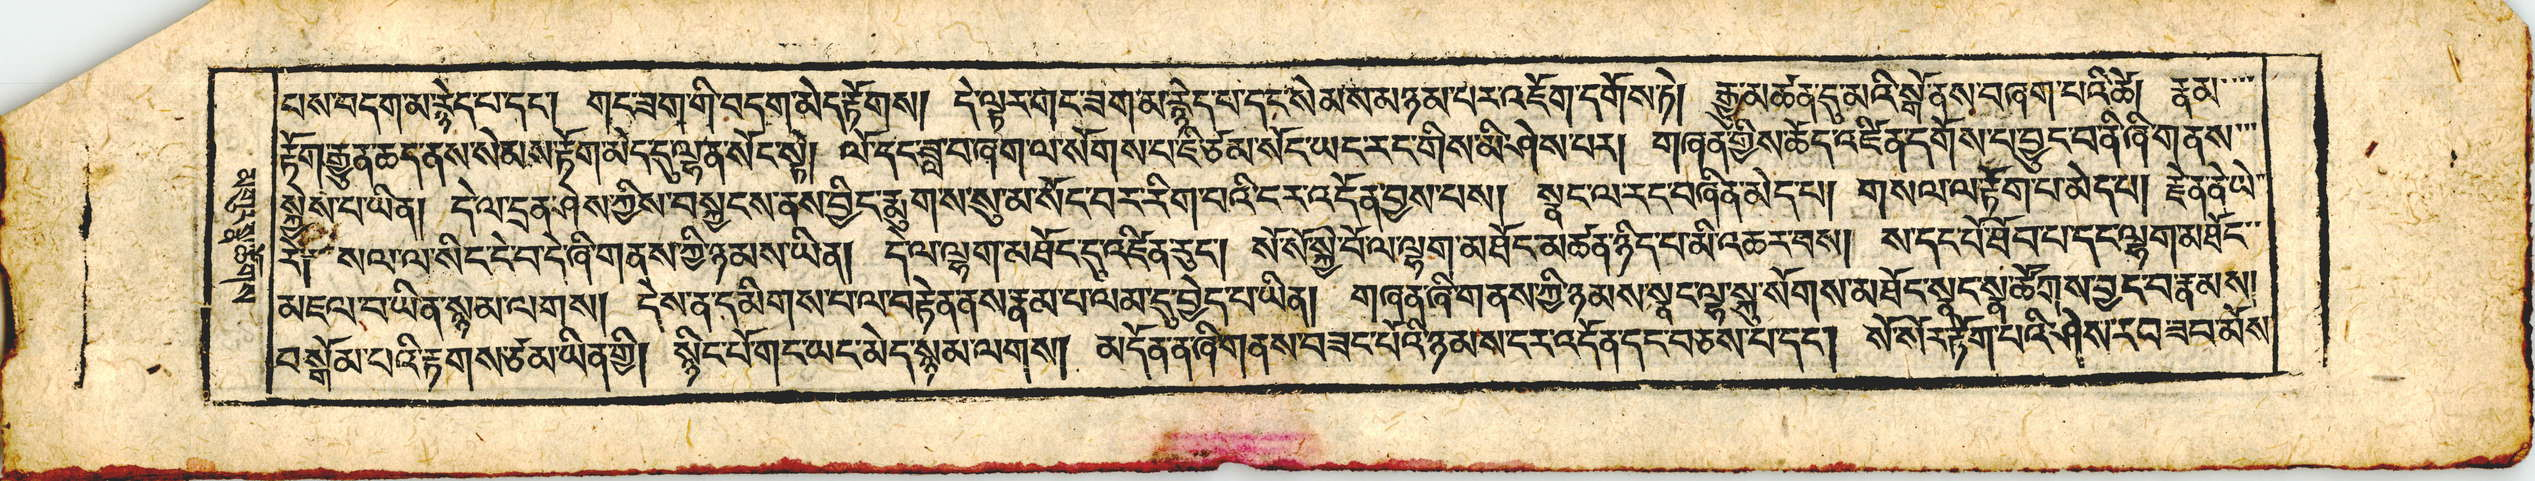པས་བདག་མ་རྙེད་པ་དང་། གང་ཟག་གི་བདག་མེད་རྟོགས། དེ་ལྟར་གང་ཟག་མ་རྙེད་པ་དང་སེམས་མཉམ་པར་འཇོག་དགོས་ཏེ། རྒྱུ་མཚན་དུ་མའི་སྒོ་ནས་བཞག་པའི་ཚེ། རྣམ་
རྟོག་རྒྱུན་ཆད་ནས་སེམས་རྟོག་མེད་དུ་ལྷན་སོང་སྟེ། ལོ་དང་ཟླ་བ་ཞག་ལ་སོགས་པ་ཇི་ཙམ་སོང་ཡང་རང་གིས་མི་ཤེས་པར། གཞན་གྱིས་ཆོད་འཛིན་དགོས་པ་བྱུང་བ་ནི་ཞི་གནས་
སྐྱེས་པ་ཡིན། དེ་ལ་དྲན་ཤེས་ཀྱིས་བསྐྱངས་ནས་བྱིང་རྨུགས་སུ་མ་སོང་བར་རིག་པའི་ངར་འདོན་བྱས་པས། སྣང་ལ་རང་བཞིན་མེད་པ། གསལ་ལ་རྟོག་པ་མེད་པ། རྗེན་ནེ་ཡེ་
རེ། སལ་ལ་སིང་ངེ་བ་དེ་ཞི་གནས་ཀྱི་ཉམས་ཡིན། དེ་ལ་ལྷག་མཐོང་དུ་འཛིན་རུང། སོ་སོ་སྐྱེ་བོ་ལ་ལྷག་མཐོང་མཚན་ཉིད་པ་མི་འཆར་བས། ས་དང་པོ་ཐོབ་པ་དང་ལྷག་མཐོང་
མཇལ་བ་ཡིན་སྙམ་ལགས། དེས་ན་དམིགས་པ་ལ་བརྟེན་ནས་རྣམ་པ་ལམ་དུ་བྱེད་པ་ཡིན། གཞན་ཞི་གནས་ཀྱི་ཉམས་སྣང་ལྷ་སྐུ་སོགས་མཐོང་སྣང་སྣ་ཚོགས་བྱང་བ་རྣམས། 
བསྒོམ་པའི་རྟགས་ཙམ་ཡིན་གྱི། སྙིང་པོ་གང་ཡང་མེད་སྙམ་ལགས། མདོན་ན་ཞི་གནས་བཟང་པོའི་ཉམས་ངར་འདོན་དང་བཅས་པ་དང་། སོ་སོར་རྟོག་པའི་ཤེས་རབ་ཟབ་མོས་